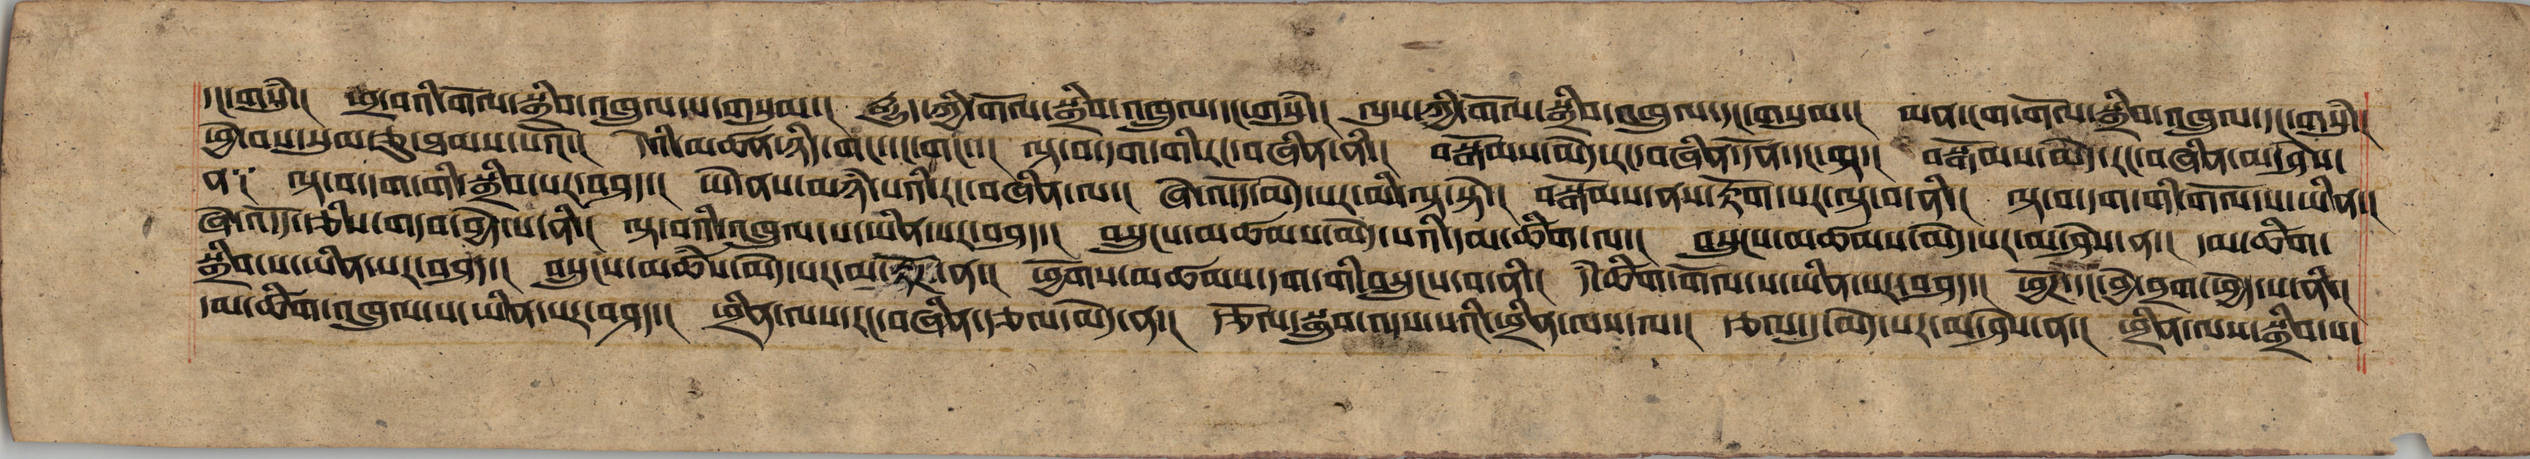དང་གསུཾ་། སྨྲ་བའི་གོལ་སྒྲིབ་འཁྲུལ་པ་གསུམ་། རྒྱུད་ཀྱི་གོལ་སྒྲིབ་འཁྲུལ་དང་གསུཾ་། ལུས་ཀྱི་གོལ་སྒྲིབ་འཁྲུལ་དང་གསུམ་། མན་ངག་གོལ་སྒྲིབ་འཁྲུལ་དང་གསུཾ་།
ཕྱེ་བས་སུམ་ཅུ་ཐམས་པའོ་། དེའི་མཚན་ཉིད་གང་དང་གང་་། ལྟ་བ་དག་གི་རང་བཞིན་ནི་། བསྒོམས་མེད་རང་བཞིན་དོན་དང་ལྟ་། བསྒོམས་པའི་རང་བཞིན་མ་ཤེས་
ན༑ ལྟ་བ་དག་གི་སྒྲིབ་པར་བཤད་། ཡེ་ནས་མཉཾ་པའི་རང་བཞིན་ལ་། ཞེ་འདོད་མེད་པར་མི་ལྟ་སྟེ་། བསྒོམས་ནས་རྟོག་པར་ལྟ་བ་ནི་། ལྟ་བ་དག་གི་གོལ་ས་ཡིན་།
ཞེ་འདོད་རྩིས་གདབ་བྱེད་པ་ནི་། ལྟ་བའི་འཁྲུལ་པ་ཡིན་པར་བཤད་། བསྲུངས་མཚམས་མེད་པའི་དམ་ཚིག་ལ་། བསྲུངས་མཚམས་མེད་པར་མ་ཤེས་ན་། དམ་ཚིག་
སྒྲིབ་པ་ཡིན་པར་བཤད་། བསྲུངས་མཚཾས་མེད་པར་མ་རྟོཌ་ན་། ཕྱོགས་མཚམས་དག་གི་བསྲུངས་བ་ནི་། དཾ་ཚིག་གོལ་ས་ཡིན་པར་བཤད་། ཕྱོཌ་དང་བྱེ་བྲག་ཕྱེད་པ་ནི་།
དམ་ཚིག་འཁྲུལ་པ་ཡིན་པར་བཤད་། ཕྲིན་ལས་རང་བཞིན་རྩལ་མེད་ན་། རྩོལ་སྒྲུབ་འདུས་པའི་ཕྲིན་ལས་ལ་། རྩལ་དུ་མེད་པར་མ་ཤེས་ན་། ཕྲིན་ལས་སྒྲིབ་པ་